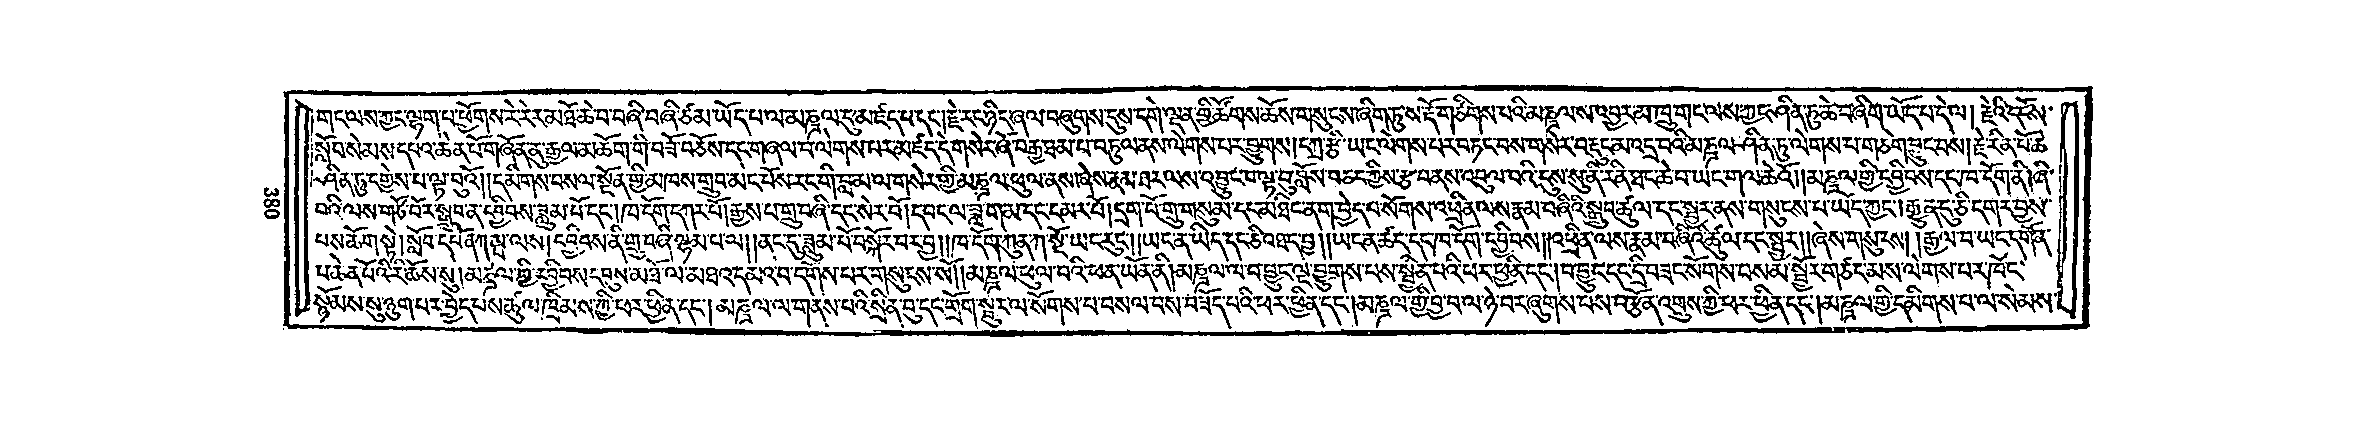གང་ལས་ཀྱང་ལྷག་པ་ཕྱོགས་རེ་རེར་མཐོ་ཆེ་བ་བཞི་བཞི་ཙམ་ཡོད་པ་ལ་མཎྜལ་དུ་མཛད་པ་དང་། རྗེ་རང་ཉིད་ཞལ་བཞུགས་དུས་དགེ་ལྡན་གྱི་ཚོགས་ཆོས་གསུངས་ཞིག་ཏུ་ས་རྡོ་གཙིགས་པའི་མཎྜལ་ས་འབྱོར་མ་ཁྲུ་གང་ལས་ཀྱང་ཤིན་ཏུ་ཆེ་བ་ཞིག་ཡོད་པ་དེ་ལ། རྗེའི་དངོས་
སློབ་སེམས་དཔའ་ཆེན་པོ་གཞོན་ནུ་རྒྱལ་མཆོག་གི་བཟོ་བཅོས་དང་གཞལ་བ་ལེགས་པར་མཛད་དེ་གསེར་ཞོ་བརྒྱ་ཐམ་པ་བཏུལ་ནས་ལེགས་པར་བྱུགས། དཀྲ་རྩི་ཡང་ལེགས་པར་བཏང་བས་གསེར་བརྡུང་མ་འདྲ་བའི་མཎྜལ་ཤིན་ཏུ་ལེགས་པ་གཅིག་བྱུང་བས། རྗེ་རིན་པོ་ཆེ་
ཤིན་ཏུ་དགྱེས་པ་ལྟ་བུའོ། །དམིགས་བསལ་སྔོན་གྱི་མཁས་གྲུབ་མང་པོས་རང་གི་བླ་མ་ལ་གསེར་གྱི་མཎྜལ་ཕུལ་ནས་ཞེས་རྣམ་ཐར་ལས་འབྱུང་བ་ལྟ་བུ་བློས་བཅད་ཀྱིས་རྩ་བ་ནས་འབུལ་བའི་དུས་སུ་ནི་རིན་ཐང་ཆེ་བ་ཡང་གལ་ཆེའོ། །མཎྜལ་གྱི་དབྱིབས་དང་ཁ་དོག་ནི། ཞི་
བའི་ལས་གཙོ་བོར་སྒྲུབ་ན་དབྱིབས་ཟླུམ་པོ་དང་། ཁ་དོག་དཀར་པོ། རྒྱས་པ་གྲུ་བཞི་དང་སེར་པོ། དབང་ལ་ཟླ་གམ་དང་དམར་པོ། དྲག་པོ་གྲུ་གསུམ་དང་མཐིང་ནག་བྱེད་པ་སོགས་འཕྲིན་ལས་རྣམ་བཞིའི་སྒྲུབ་ཚུལ་དང་སྦྱར་ནས་གསུངས་པ་ཡོད་ཀྱང་། རྒྱུན་དུ་ཅི་དགར་བྱས་
པས་ཆོག་སྟེ། སློབ་དཔོན་ཀམཔ་ལས། དབྱིབས་ནི་གྲུ་བཞི་ལྷམ་པ་ལ། །ནང་དུ་ཟླུམ་པོ་བསྐོར་བར་བྱ། །ཁ་དོག་ཀུན་ཀ་སྔོ་ཡང་རུང་། །ཡང་ན་ཡིད་དང་ཅི་འཐད་བྱ། །ཡང་ན་ཚད་དང་ཁ་དོག་དབྱིབས། །འཕྲིན་ལས་རྣམ་བཞིའི་ཚུལ་དང་སྦྱར། །ཞེས་གསུངས། །རྒྱལ་བ་ཡང་དགོན་
པ་ཆེན་པོའི་རི་ཆོས་སུ། མཎྜལ་གྱི་དབྱིབས་དབུས་མཐོ་ལ་མཐའ་དམའ་བ་དགོས་པར་གསུངས་སོ། །མཎྜལ་ཕུལ་བའི་ཕན་ཡོན་ནི། མཎྜལ་ལ་བ་བྱུང་ལྔ་བྱུགས་པས་སྦྱིན་པའི་ཕར་ཕྱིན་དང་། བ་བྱུང་དང་དྲི་བཟང་སོགས་བསམ་སྦྱོར་གཙང་མས་ལེགས་པར་ཁོང་
སྙོམས་སུ་ཉུག་པར་བྱེད་པས་ཚུལ་ཁྲིམས་ཀྱི་ཕར་ཕྱིན་དང་། མཎྜལ་ལ་གནས་པའི་སྲིན་བུ་དང་གྲོག་སྦུར་ལ་སོགས་པ་བསལ་བས་བཟོད་པའི་ཕར་ཕྱིན་དང་། མཎྜལ་གྱི་བྱ་བ་ལ་ཉེ་བར་ཞུགས་པས་བརྩོན་འགྲུས་ཀྱི་ཕར་ཕྱིན་དང་། མཎྜལ་གྱི་དམིགས་པ་ལ་སེམས་